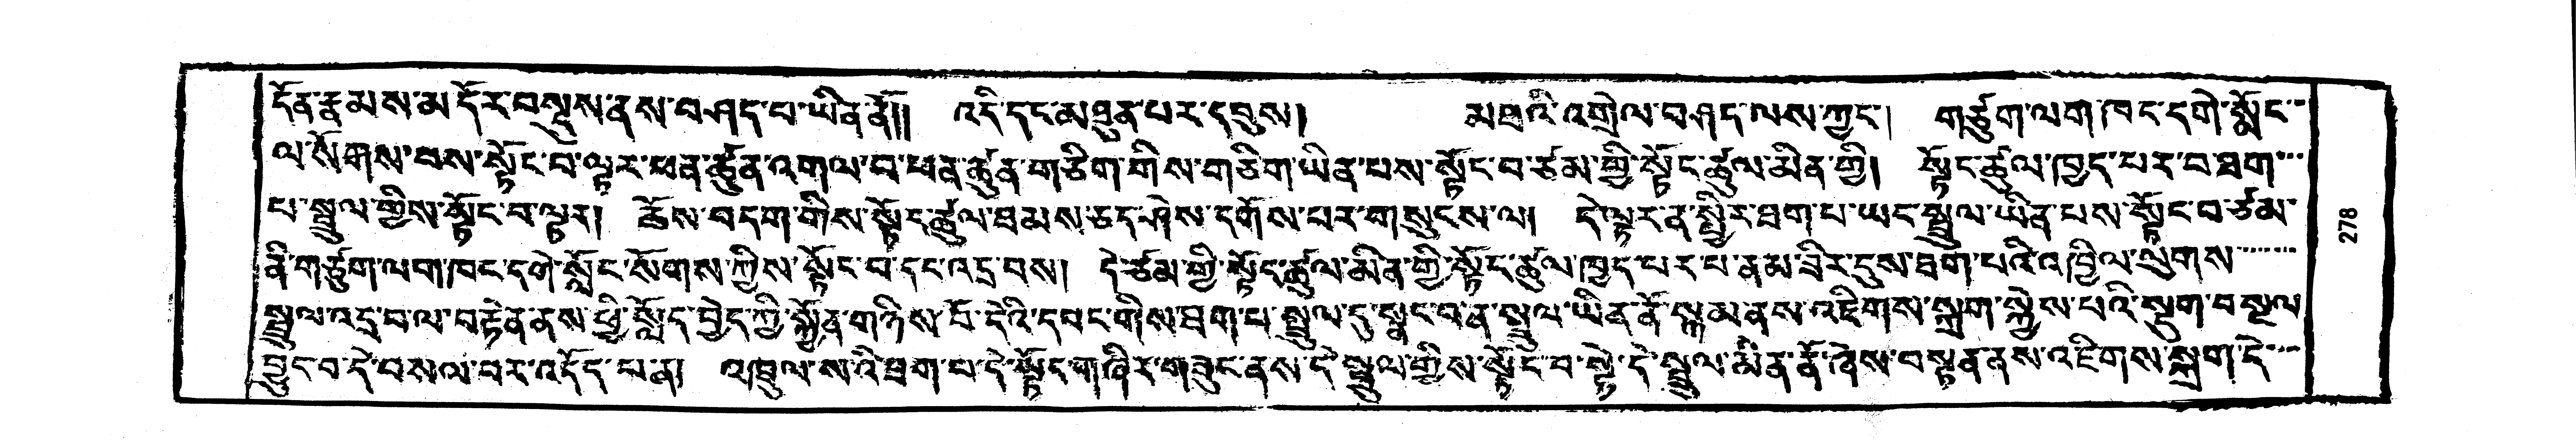དོན་རྣམས་མདོར་བསྡུས་ནས་བཤད་པ་ཡིན་ནོ། །འདི་དང་མཐུན་པར་དབུས། མཐའི་འགྲེལ་བཤད་ལས་ཀྱང་། གཙུག་ལག་ཁང་དགེ་སྨོང་
ལ་སོགས་བས་སྟོང་བ་ལྟར་ཕན་ཚུན་འགལ་བ་ཕན་ཚུན་གཅིག་གིས་གཅིག་ཡིན་པས་སྟོང་བ་ཙམ་གྱི་སྟོང་ཚུལ་མིན་གྱི། སྟོང་ཚུལ་ཁྱད་པར་བ་ཐག་
པ་སྤྲུལ་གྱིས་སྟོང་བ་ལྟར། ཆོས་བདག་གིས་སྟོང་ཚུལ་ཐམས་ཅད་ཤེས་དགོས་པར་གསུངས་ལ། དེ་ལྟར་ན་སྤྱིར་ཐག་པ་ཡང་སྤྲུལ་ཡིན་པས་སྟོང་བ་ཙམ་
ནི་གཙུག་ལག་ཁང་དགེ་སློང་སོགས་ཀྱིས་སྟོང་བ་དང་འདྲ་བས། དེ་ཙམ་གྱི་སྟོང་ཚུལ་མིན་གྱི་སྟོང་ཚུལ་ཁྱད་པར་པ་ནམ་ཟིར་དུས་ཐག་པའི་འཁྱིལ་ལུགས་
སྤྲུལ་འདྲ་བ་ལ་བརྟེན་ནས་ཕྱི་སློད་བྱེད་ཀྱི་སྐྱོན་གཉིས་པོ་དེའི་དབང་གིས་ཐག་པ་སྤྲུལ་དུ་སྣང་བ་ན་སྤྲུལ་ཡིན་ནོ་སྙམ་ནས་འཇིགས་སྐྲག་སྐྱེས་པའི་སྡུག་བསྔལ་
བྱུང་བ་དེ་བསལ་བར་འདོད་པ་ན། འཁྲུལ་སའི་ཟག་པ་དེ་སྟོང་གཞིར་གཟུང་ནས་དེ་སྤྲུལ་གྱིས་སྟོང་བ་སྟེ་དེ་སྤྲུལ་མིན་ནོ་ཞེས་བསྟན་ནས་འཇིགས་སྐྲག་དེ་